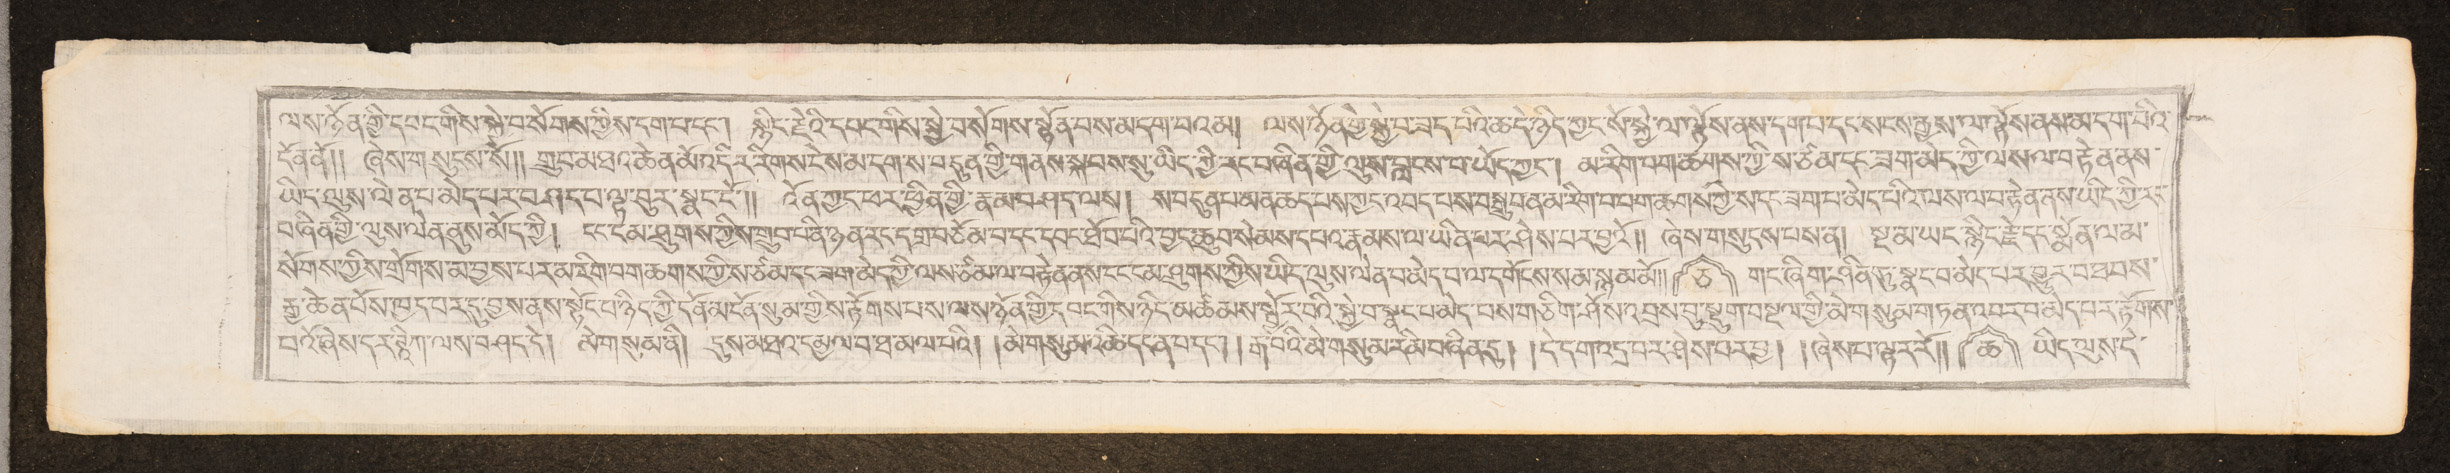ལས་ཉོན་གྱི་དབང་གིས་སྐྱེ་བ་སོགས་ཀྱིས་དག་པ་དང་། སྙིང་རྗེའི་དབང་གིས་སྐྱེ་བ་སོགས་སྟོན་པས་མ་དག་པའམ། ལས་ཉོན་གྱེ་སྐྱེ་བ་ཟད་པའི་ཆ་དེ་ཉིད་ཀྱང་སོ་སྐྱེ་ལ་ལྟོས་ནས་དག་པ་དང་སངས་རྒྱས་ལ་ལྟོས་ནས་མ་དག་པའི་
དོན་ནོ།། ཞེས་གསུངས་སོ།། གྲུབ་མཐའ་ཆེན་མོ་འདིར་རིགས་ངེས་མ་དག་ས་བདུན་གྱི་གནས་སྐབས་སུ་ཡིད་ཀྱི་རང་བཞིན་གྱི་ལུས་བླངས་པ་ཡོད་ཀྱང་། མ་རིག་བག་ཆགས་ཀྱི་ས་ཙམ་དང་ཟག་མེད་ཀྱི་ལས་ལ་བརྟེན་ནས་
ཡིད་ལུས་ལེན་པ་མེད་པར་བཤད་པ་ལྟ་བུར་སྣང་ངོ།། འོན་ཀྱང་ཕར་ཕྱིན་གྱི་རྣམ་བཤད་ལས། ས་བདུན་པ་མན་ཆད་པས་ཀྱང་འབད་པས་བསྒྲུབ་ན་མ་རིག་པ་བག་ཆགས་ཀྱི་ས་དང་ཟག་པ་མེད་པའི་ལས་ལ་བ་རྟེན་ནས་ཡིད་ཀྱི་རང་
བཞིན་གྱི་ལུས་ལེན་ནུས་མོད་ཀྱི། ངང་ངམ་ཤུགས་ཀྱིས་གྲུབ་པ་ནི་ཉན་རང་དགྲ་བཅོམ་པ་དང་དབང་ཐོབ་པའི་བྱང་ཆུབ་སེམས་དཔའ་རྣམས་ལ་ཡིན་པར་ཤེས་པར་བྱའོ།། ཞེས་གསུངས་པས་ན། སྔ་མ་ཡང་སྙིང་རྗེ་དང་སྨོན་ལ་མ་
སོགས་ཀྱིས་གྲོགས་མ་བྱས་པར་མ་རིག་བག་ཆགས་ཀྱི་ས་ཙམ་དང་ཟག་མེད་ཀྱི་ལས་ཙམ་ལ་བརྟེན་ནས་ངང་ངམ་ཤུགས་ཀྱིས་ཡིད་ལུས་ལེན་བ་མེད་པ་ལ་དགོངས་སམ་སྙམ་མོ།། ༼༽ཅ༼༽ གང་ཞིག་ཤིན་ཏུ་སྣང་བ་མེད་པར་གྱུར་བ་ཐབས་
རྒྱ་ཆེན་པོས་ཁྱད་པར་དུ་བྱས་ནས་སྟོང་པ་ཉིད་ཀྱི་དོན་མངོན་སུམ་གྱིས་རྟོགས་པས་ལས་ཉོན་གྱི་དབང་གིས་ཉིད་མཚམས་སྦྱོར་བའི་སྐྱེ་བ་སྣང་བ་མེད་པས་གཅིག་ཤོས་འབྲས་བུ་སྡུག་བསྔལ་གྱི་མེ་གསུམ་གཏན་འབར་བ་མེད་པར་རྟོགས་
པའོ་ཞེས་དར་ཊཱིཀ་ལས་བཤད་དེ། མེ་གསུམ་ནི། དུས་མཐའ་དམྱལ་བ་ཐ་མལ་པའི། །མེ་གསུམ་འཆི་དང་ན་བ་དང་། རྒ་བའི་མེ་གསུམ་རིམ་བཞིན་དུ། །དེ་དག་འདྲ་བར་ཤེས་བར་བྱ། །ཞེས་པ་ལྟར་རོ།། ༼༽ཆ༼༽ ཡིད་ལུས་དེ་